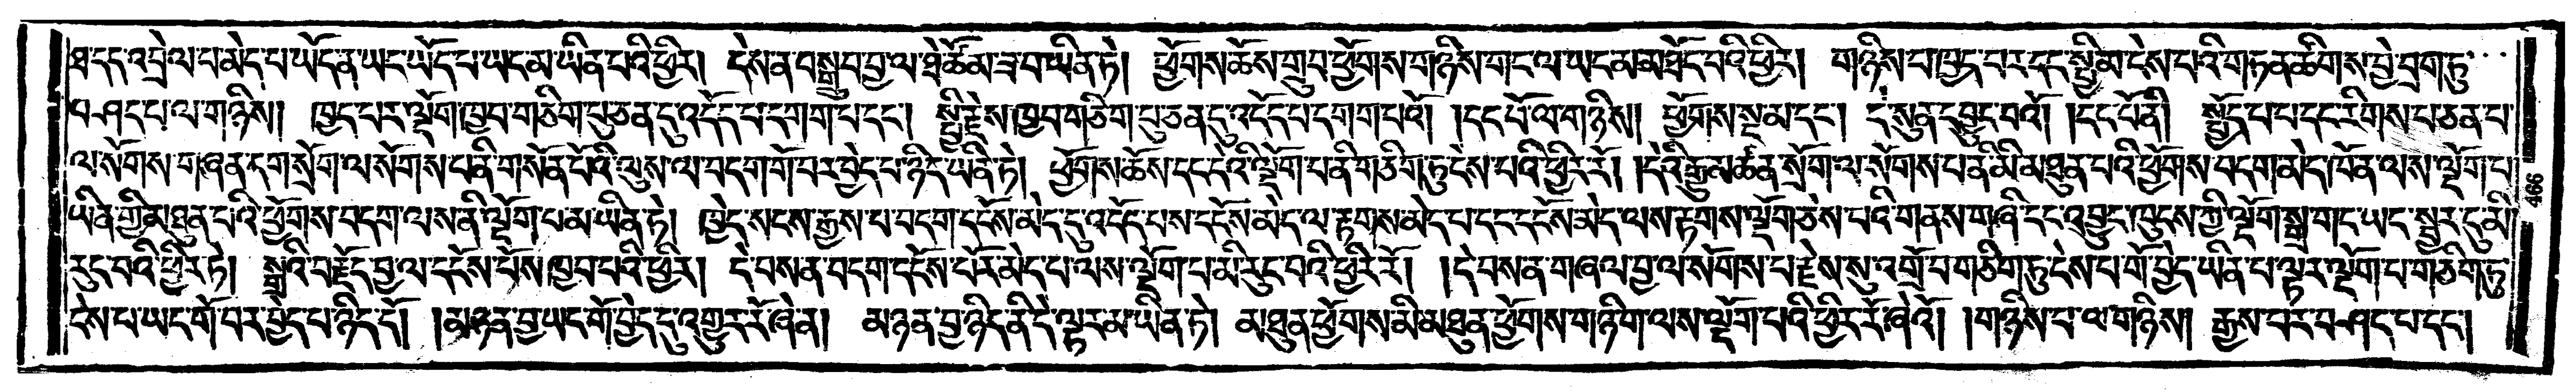ཐ་དད་འབྲེལ་པ་མེད་པ་ཡོད་ན་ཡང་ཡོད་པ་ཡང་མ་ཡིན་པའི་ཕྱིར། དེས་ན་བསྒྲུབ་བྱ་ལ་ཐེ་ཚོམ་ཟ་བ་ཡིན་ཏེ། ཕྱོགས་ཆོས་གྲུབ་ཕྱོགས་གཉིས་གང་ལ་ཡང་མ་མཐོང་པའི་ཕྱིར། གཉིས་པ་ཁྱད་པར་དང་སྦྱི་མ་ངེས་པའི་གཏན་ཚིགས་བྱེ་བྲག་ཏུ་
བཤད་པ་ལ་གཉིས། ཁྱད་པར་ལྡོག་ཁྱབ་གཅིག་བུ་ཅན་དུ་འདོད་པ་དགག་པ་དང་། སྤྱི་རྗེས་ཁྱབ་གཅིག་པུ་ཅན་དུ་འདོད་པ་དགག་པའོ། །དང་པོ་ལ་གཉིས། ཕྱོགས་སྔ་མ་དང་། དེ་སུན་དབྱུང་བའོ། །དང་པོ་ནི། སྤྱོད་པ་པ་དང་རིགས་པ་ཅན་པ་
ལ་སོགས་གཞན་དག་སྲོག་ལ་སོགས་པ་ནི་གསོན་པོའི་ལུས་ལ་བདག་གོ་བར་བྱེད་པ་ཉིད་ཡིན་ཏེ། ཕྱོགས་ཆོས་དང་དེའི་ལྡོག་པ་ནི་གཅིག་ཏུ་ངེས་པའི་ཕྱིར་རོ། །དེའི་རྒྱུ་མཚན་སྲོག་ལ་སོགས་པ་ནི་མི་མཐུན་པའི་ཕྱོགས་བདག་མེད་ཁོ་ན་ལས་ལྡོག་པ་
ཡིན་གྱི་མཐུན་པའི་ཕྱོགས་བདག་ལས་ནི་ལྡོག་པ་མ་ཡིན་ཏེ། ཁྱེད་སངས་རྒྱས་པ་བདག་དངོས་མེད་དུ་འདོད་པས་དངོས་མེད་ལ་རྟགས་མེད་པ་དང་དངོས་མེད་ལས་རྟགས་ལྡོག་ཅེས་པའི་གནས་གཞི་དང་འབྱུང་ཁུངས་ཀྱི་ལྡོག་སྒྲ་གང་ཡང་སྦྱར་དུ་མི་
རུང་བའི་ཕྱིར་ཏེ། སྒྲའི་བརྗོད་བྱ་ལ་དངོས་པོས་ཁྱབ་པའི་ཕྱིར། དེ་བས་ན་བདག་དངོས་པོར་མེད་པ་ལས་ལྡོག་པ་མི་རུང་བའི་ཕྱིར་རོ། །དེ་བས་ན་གཞལ་བྱ་ལ་སོགས་པ་རྗེས་སུ་འགྲོ་བ་གཅིག་ཏུ་ངེས་པ་གོ་བྱེད་ཡིན་པ་ལྟར་ལྡོག་པ་གཅིག་ཏུ་
ངེས་པ་ཡང་གོ་བར་བྱེད་པ་ཉིད་དོ། །མཉན་བྱ་ཡང་གོ་བྱེད་དུ་འགྱུར་རོ་ཞེ་ན། མཉན་བྱ་ཉིད་ནི་དེ་ལྟར་མ་ཡིན་ཏེ། མཐུན་ཕྱོགས་མི་མཐུན་ཕྱོགས་གཉི་ག་ལས་ལྡོག་པའི་ཕྱིར་རོ་ཞེའོ། །གཉིས་པ་ལ་གཉིས། རྒྱས་པར་བཤད་པ་དང་།